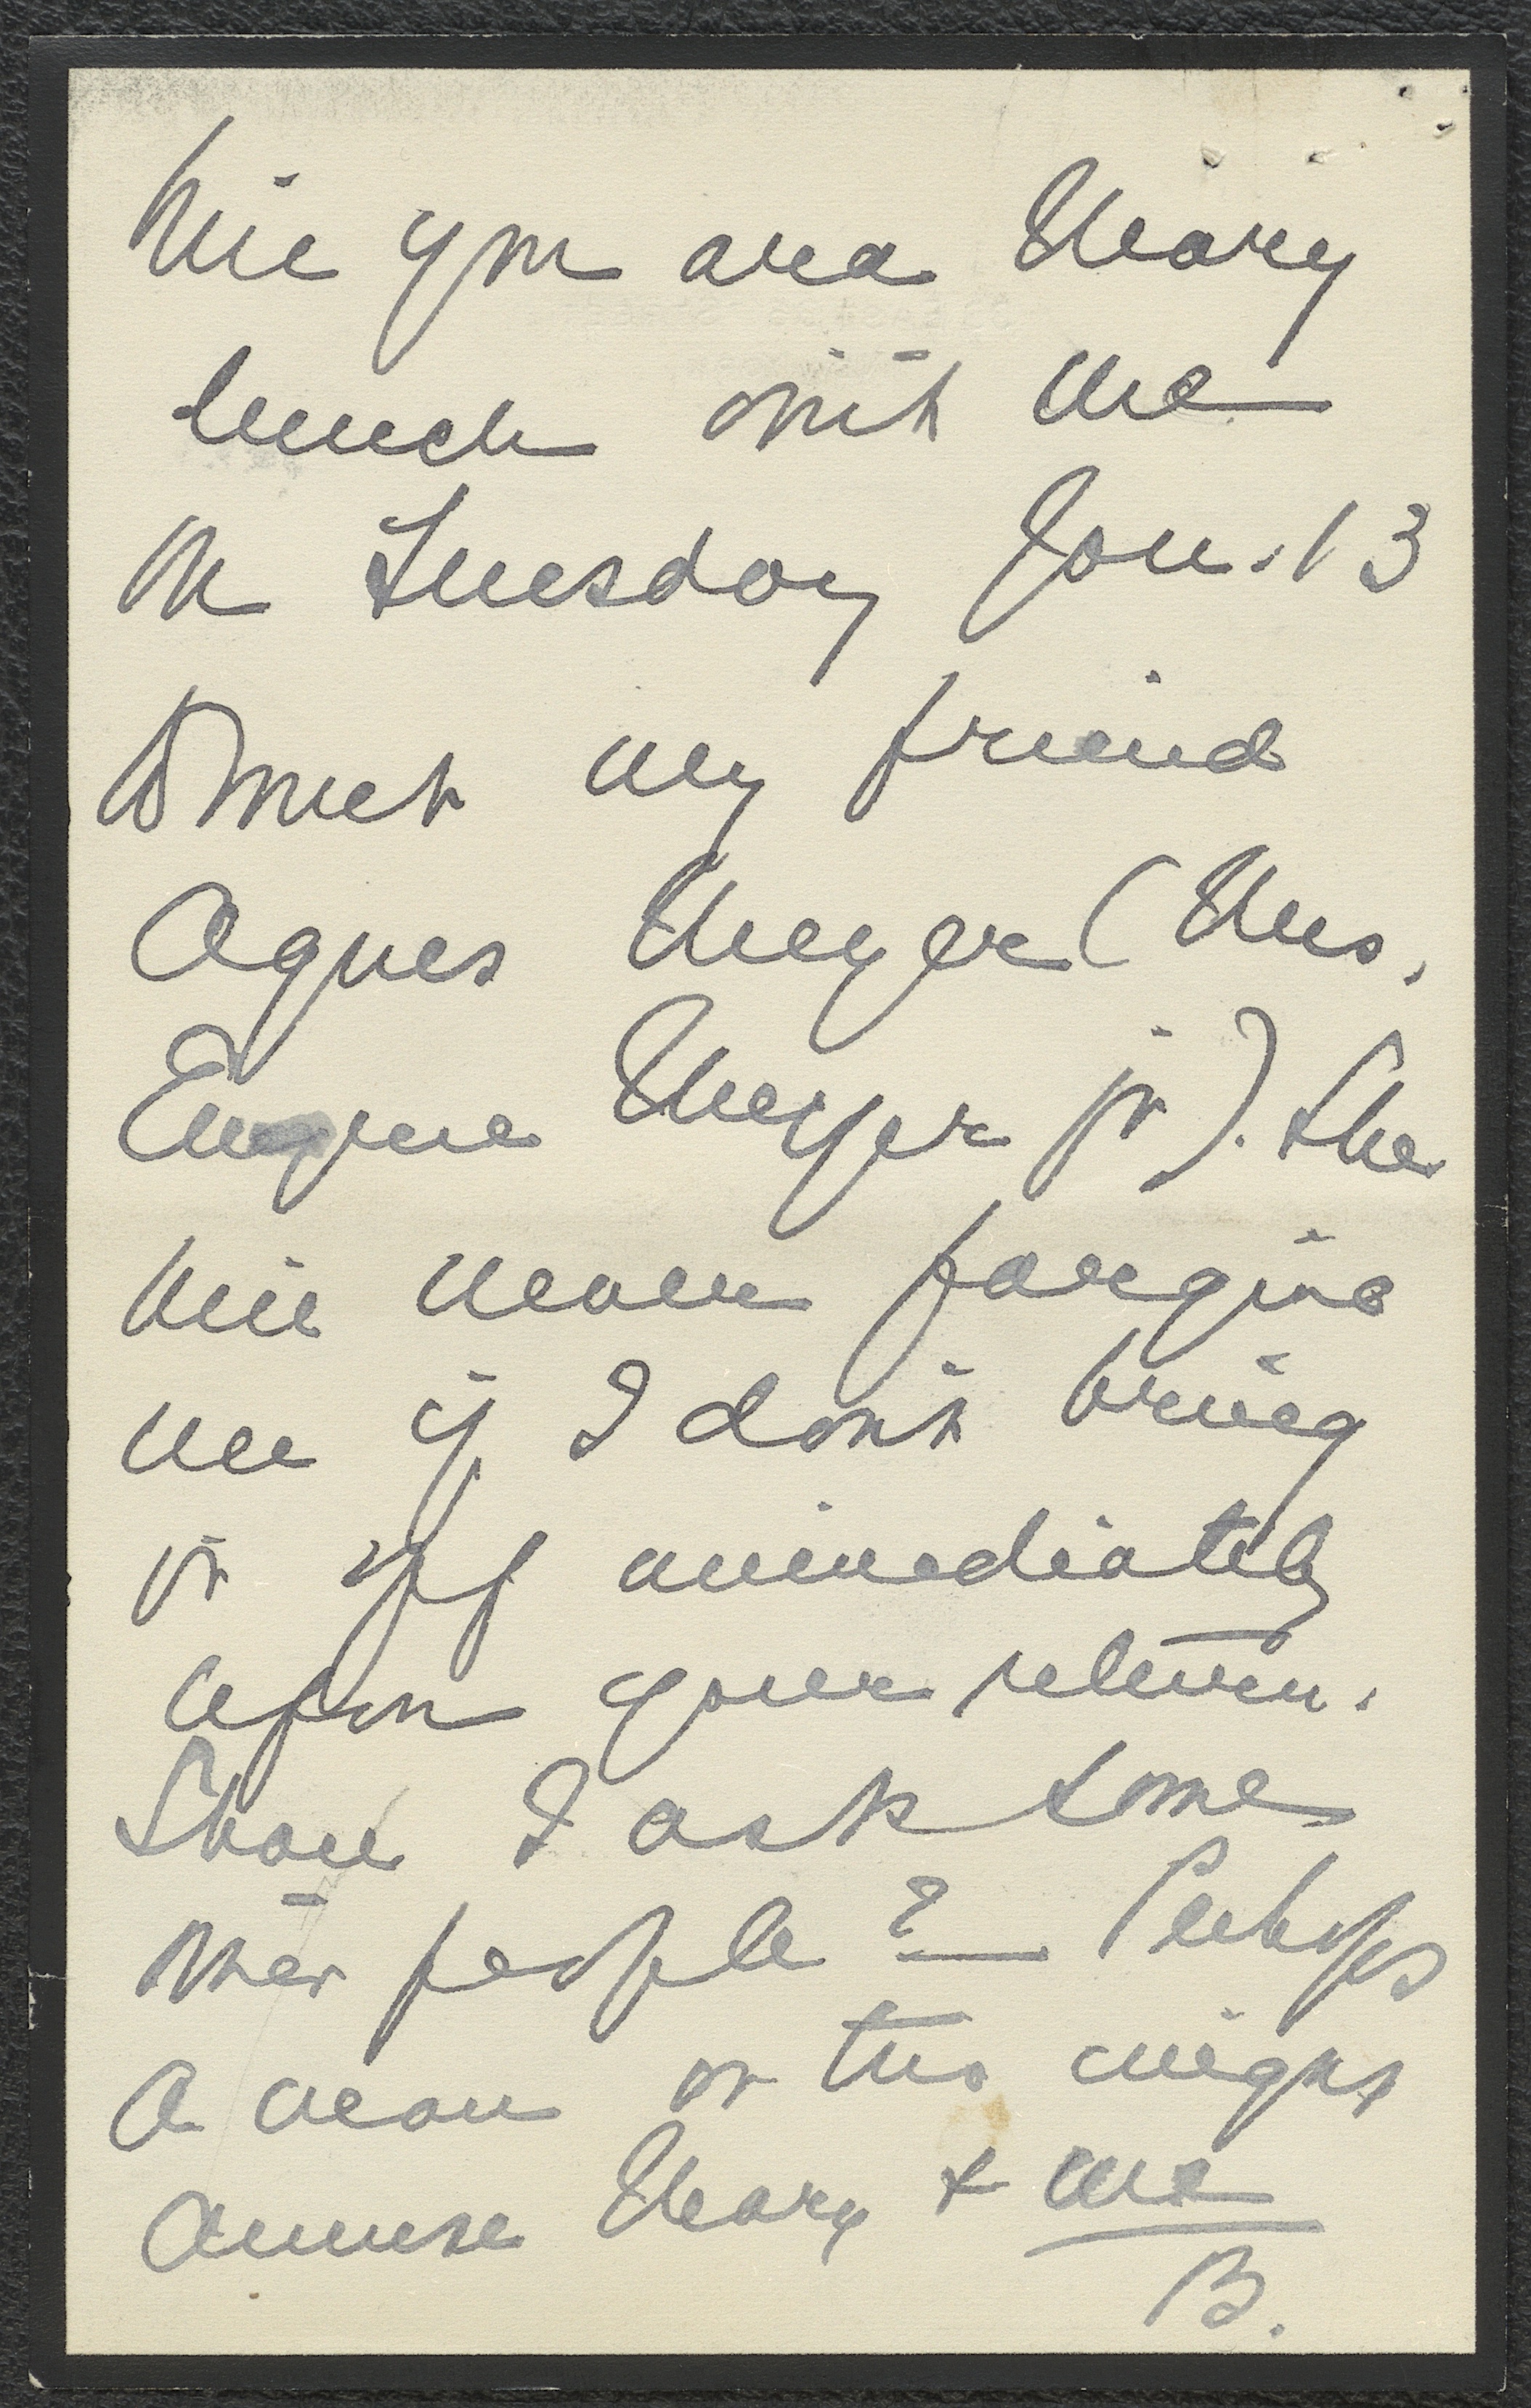Will you and Mary lunch with me on Tuesday Jan. 13 to meet my friend Agnes Meyer (Mrs. Eugene Meyer jr). She will never forgive me if I don’t bring it up immediately upon your return. Shall I ask some other people? – Perhaps a man or two might amuse Mary & me
B.